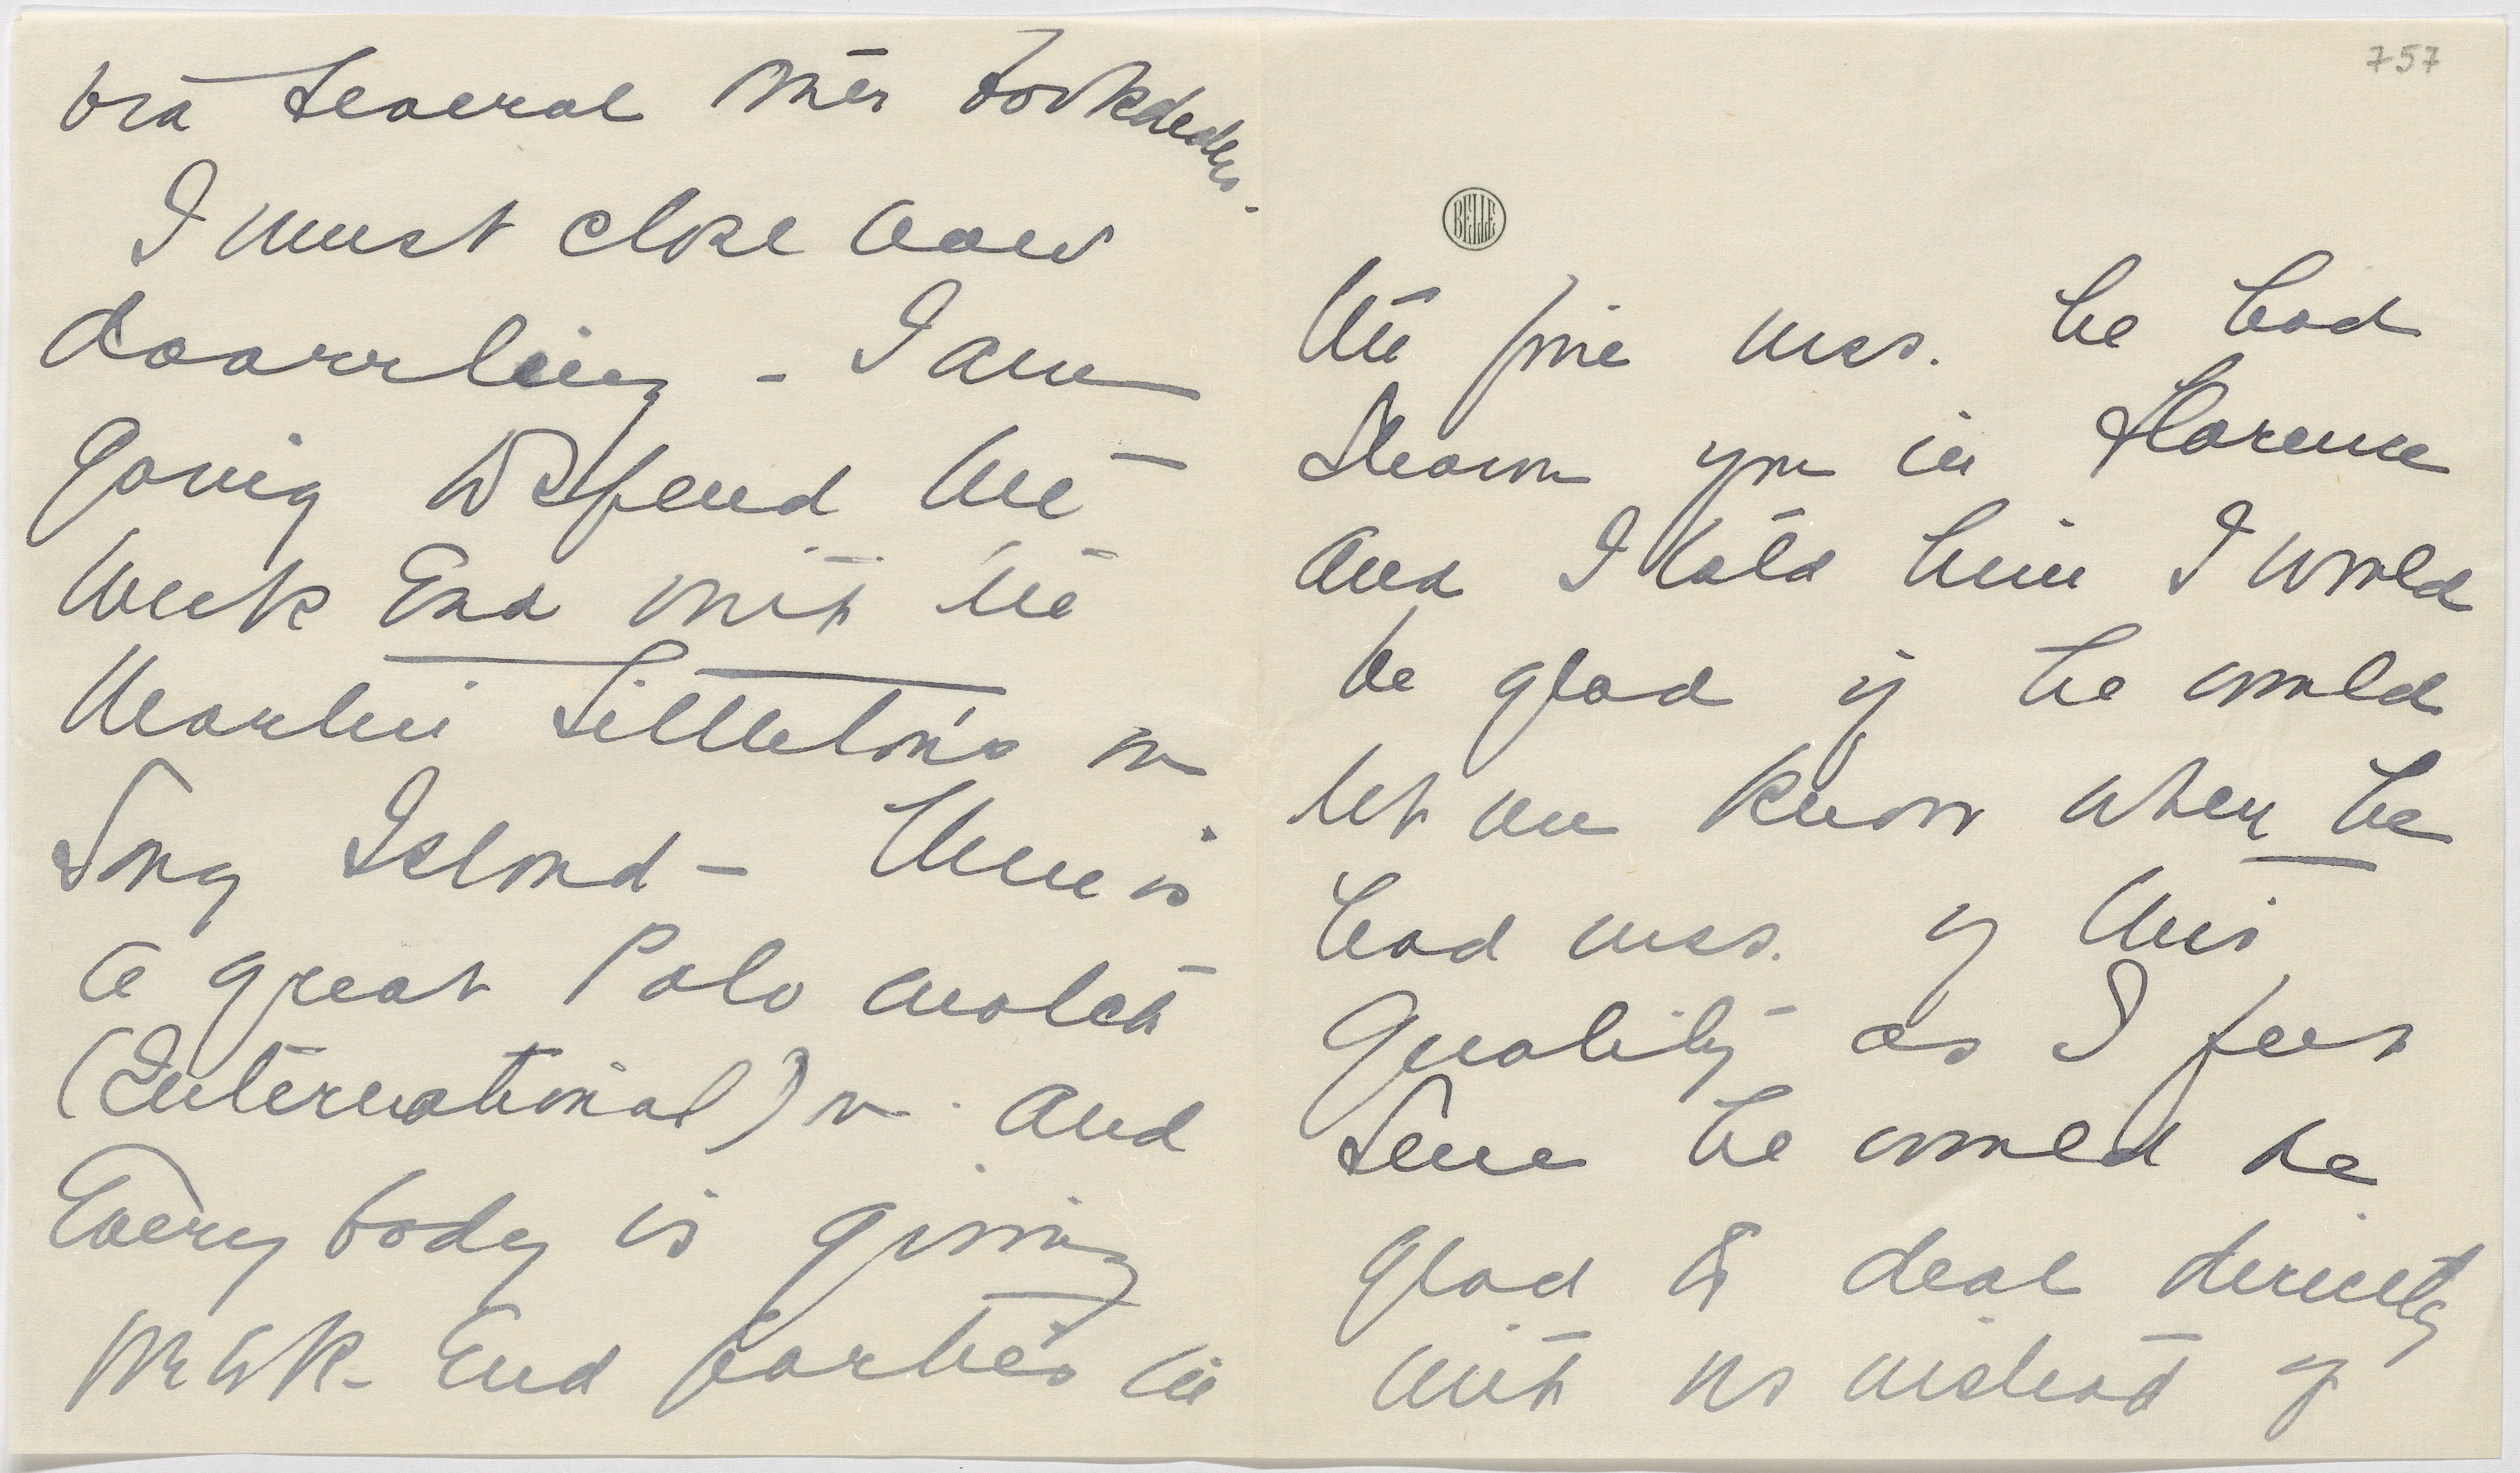the fine mss. he had shown you in Florence and I told him I would be glad if he would let me know when he had mss. of this quality as I felt sure he would be glad to deal directly with us instead of
via several other bookdealers.
I must close now daarrling – I am going to spend the week end with the Martin Littleton’s on Long Island – There is a great Polo match (International) on and Everybody is giving week-end parties in